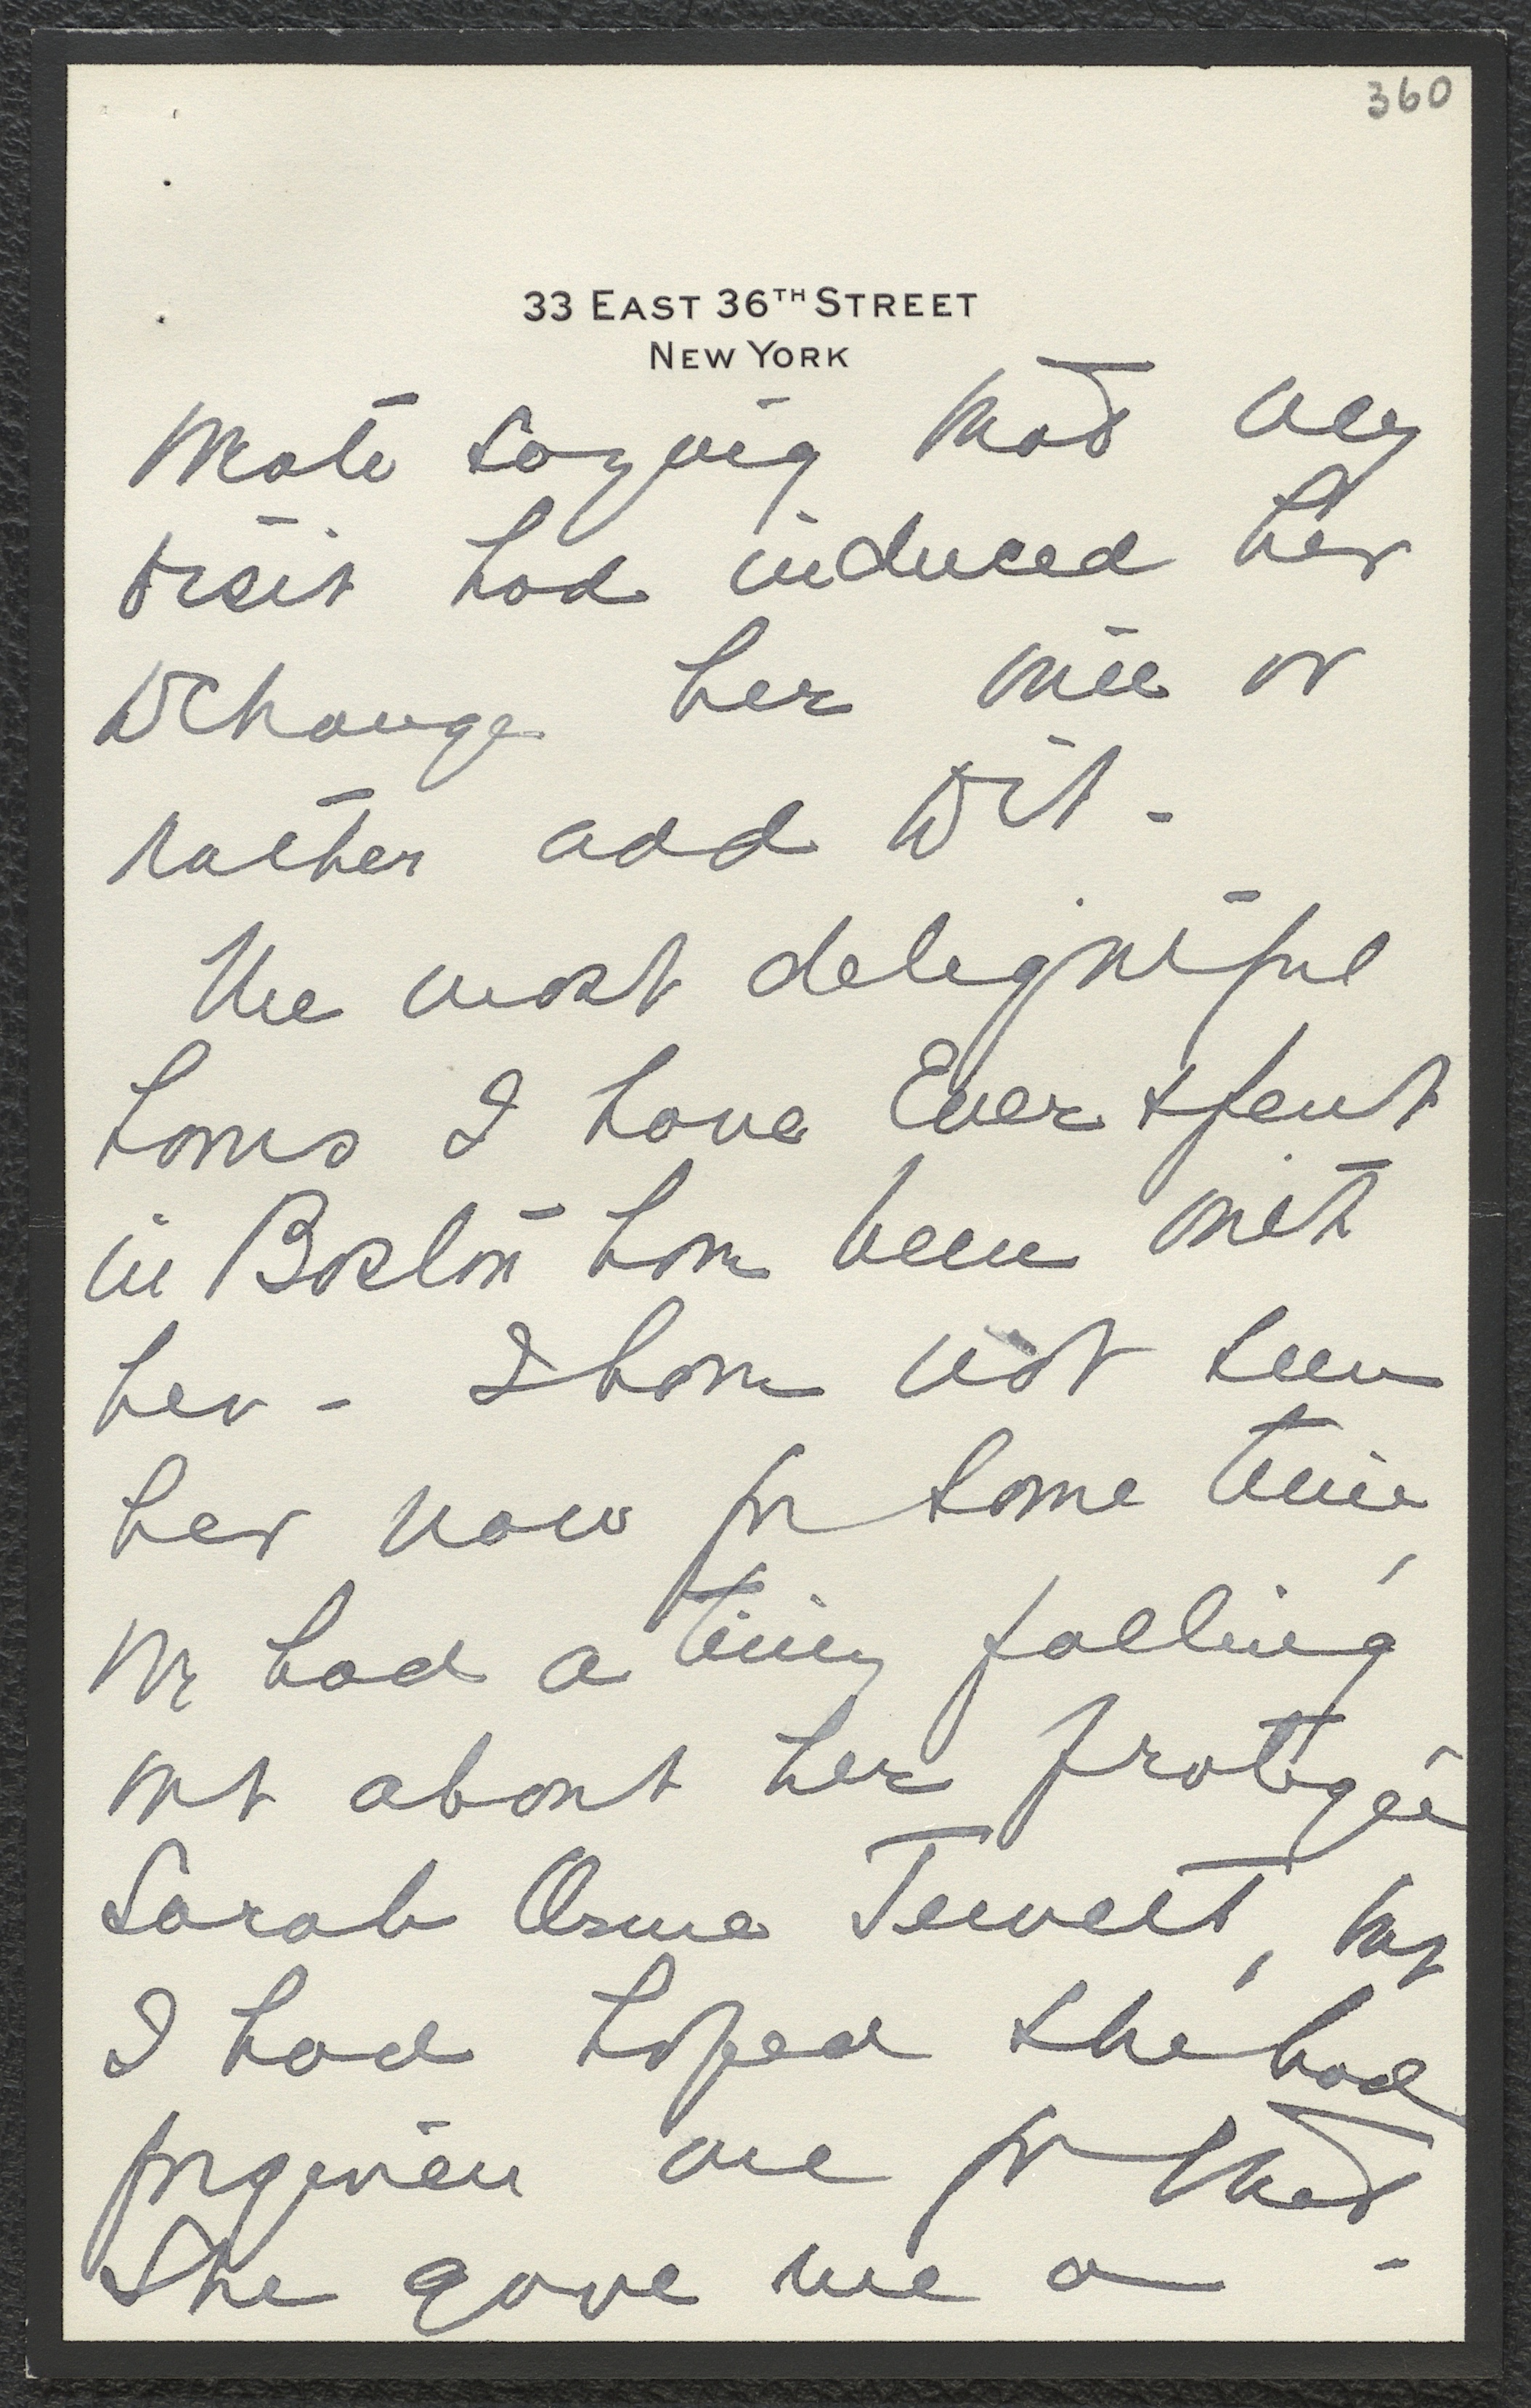wrote saying that my visit had induced her to change her will or rather add to it.
The most delightful hours I have ever spent in Boston have been with her – I have not seen her now for some time, we had a tiny falling out about her protegée Sarah Orne Jewett, but I had hoped she had forgiven me for that. She gave me a